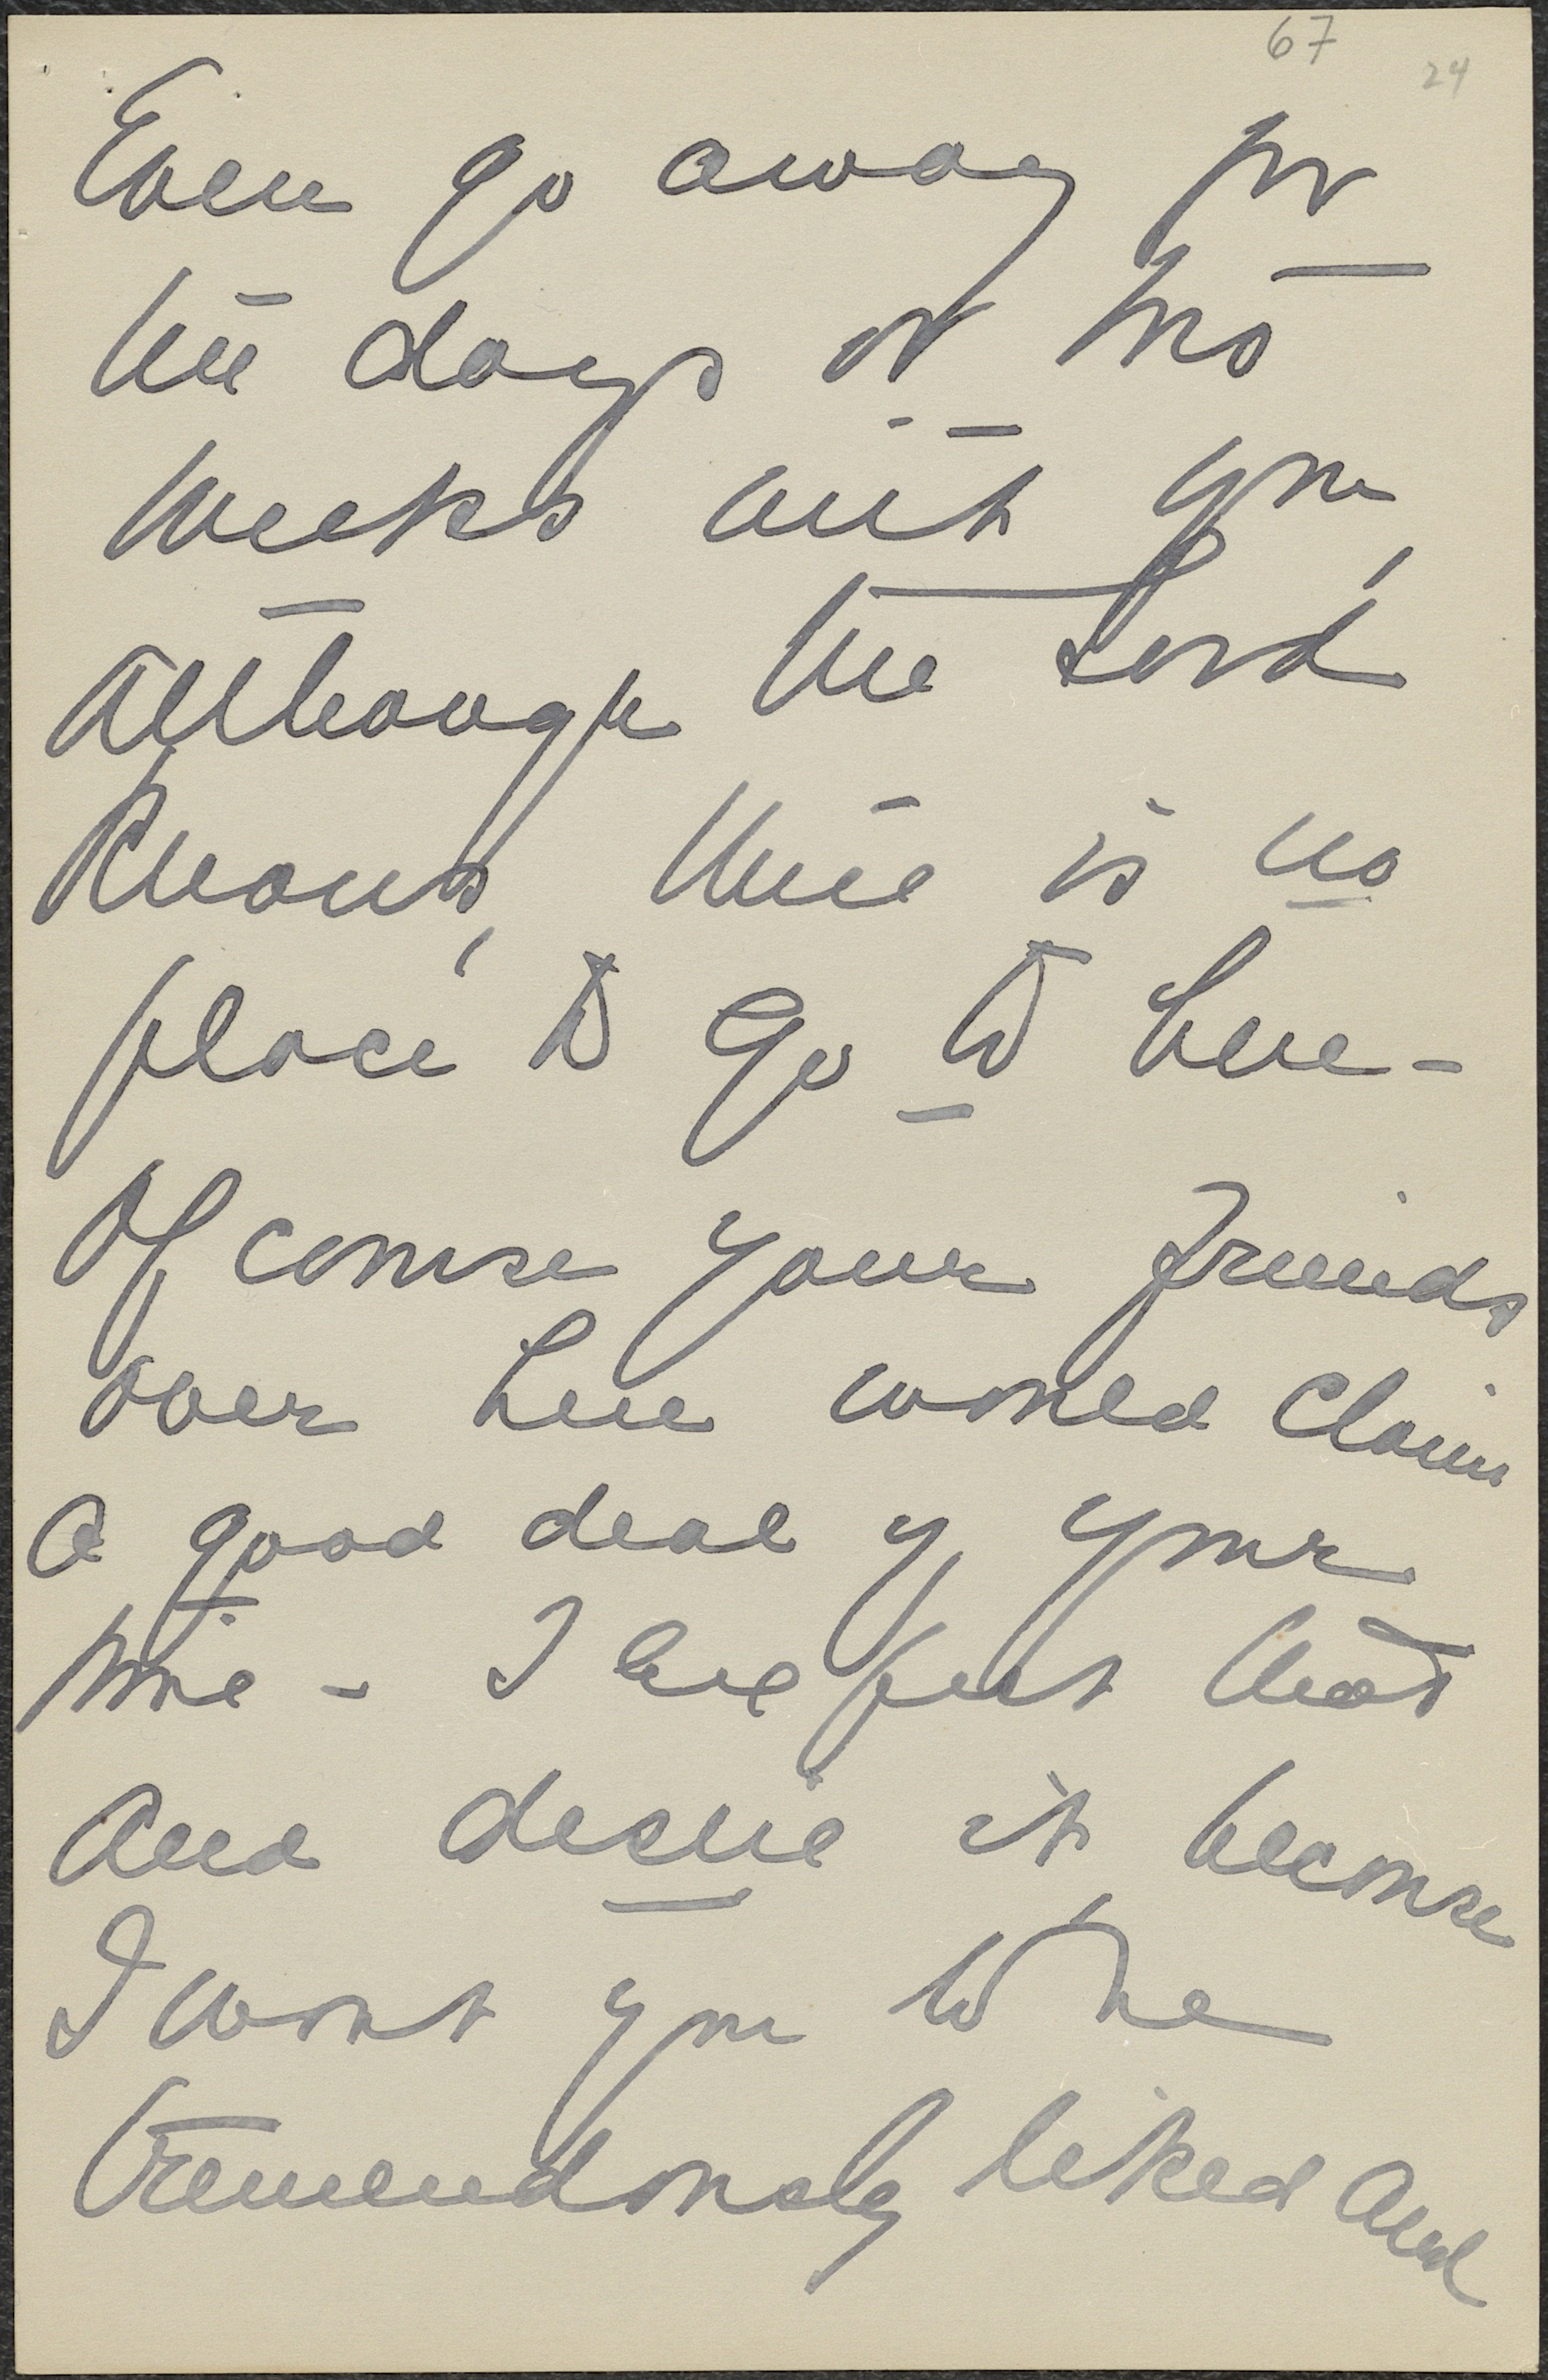even go away for ten days or two weeks with you, although the Lord knows, there is no place to go to here – of course your friends over here would claim a good deal of your time – I expect that and desire it because I want you to be tremendously liked and